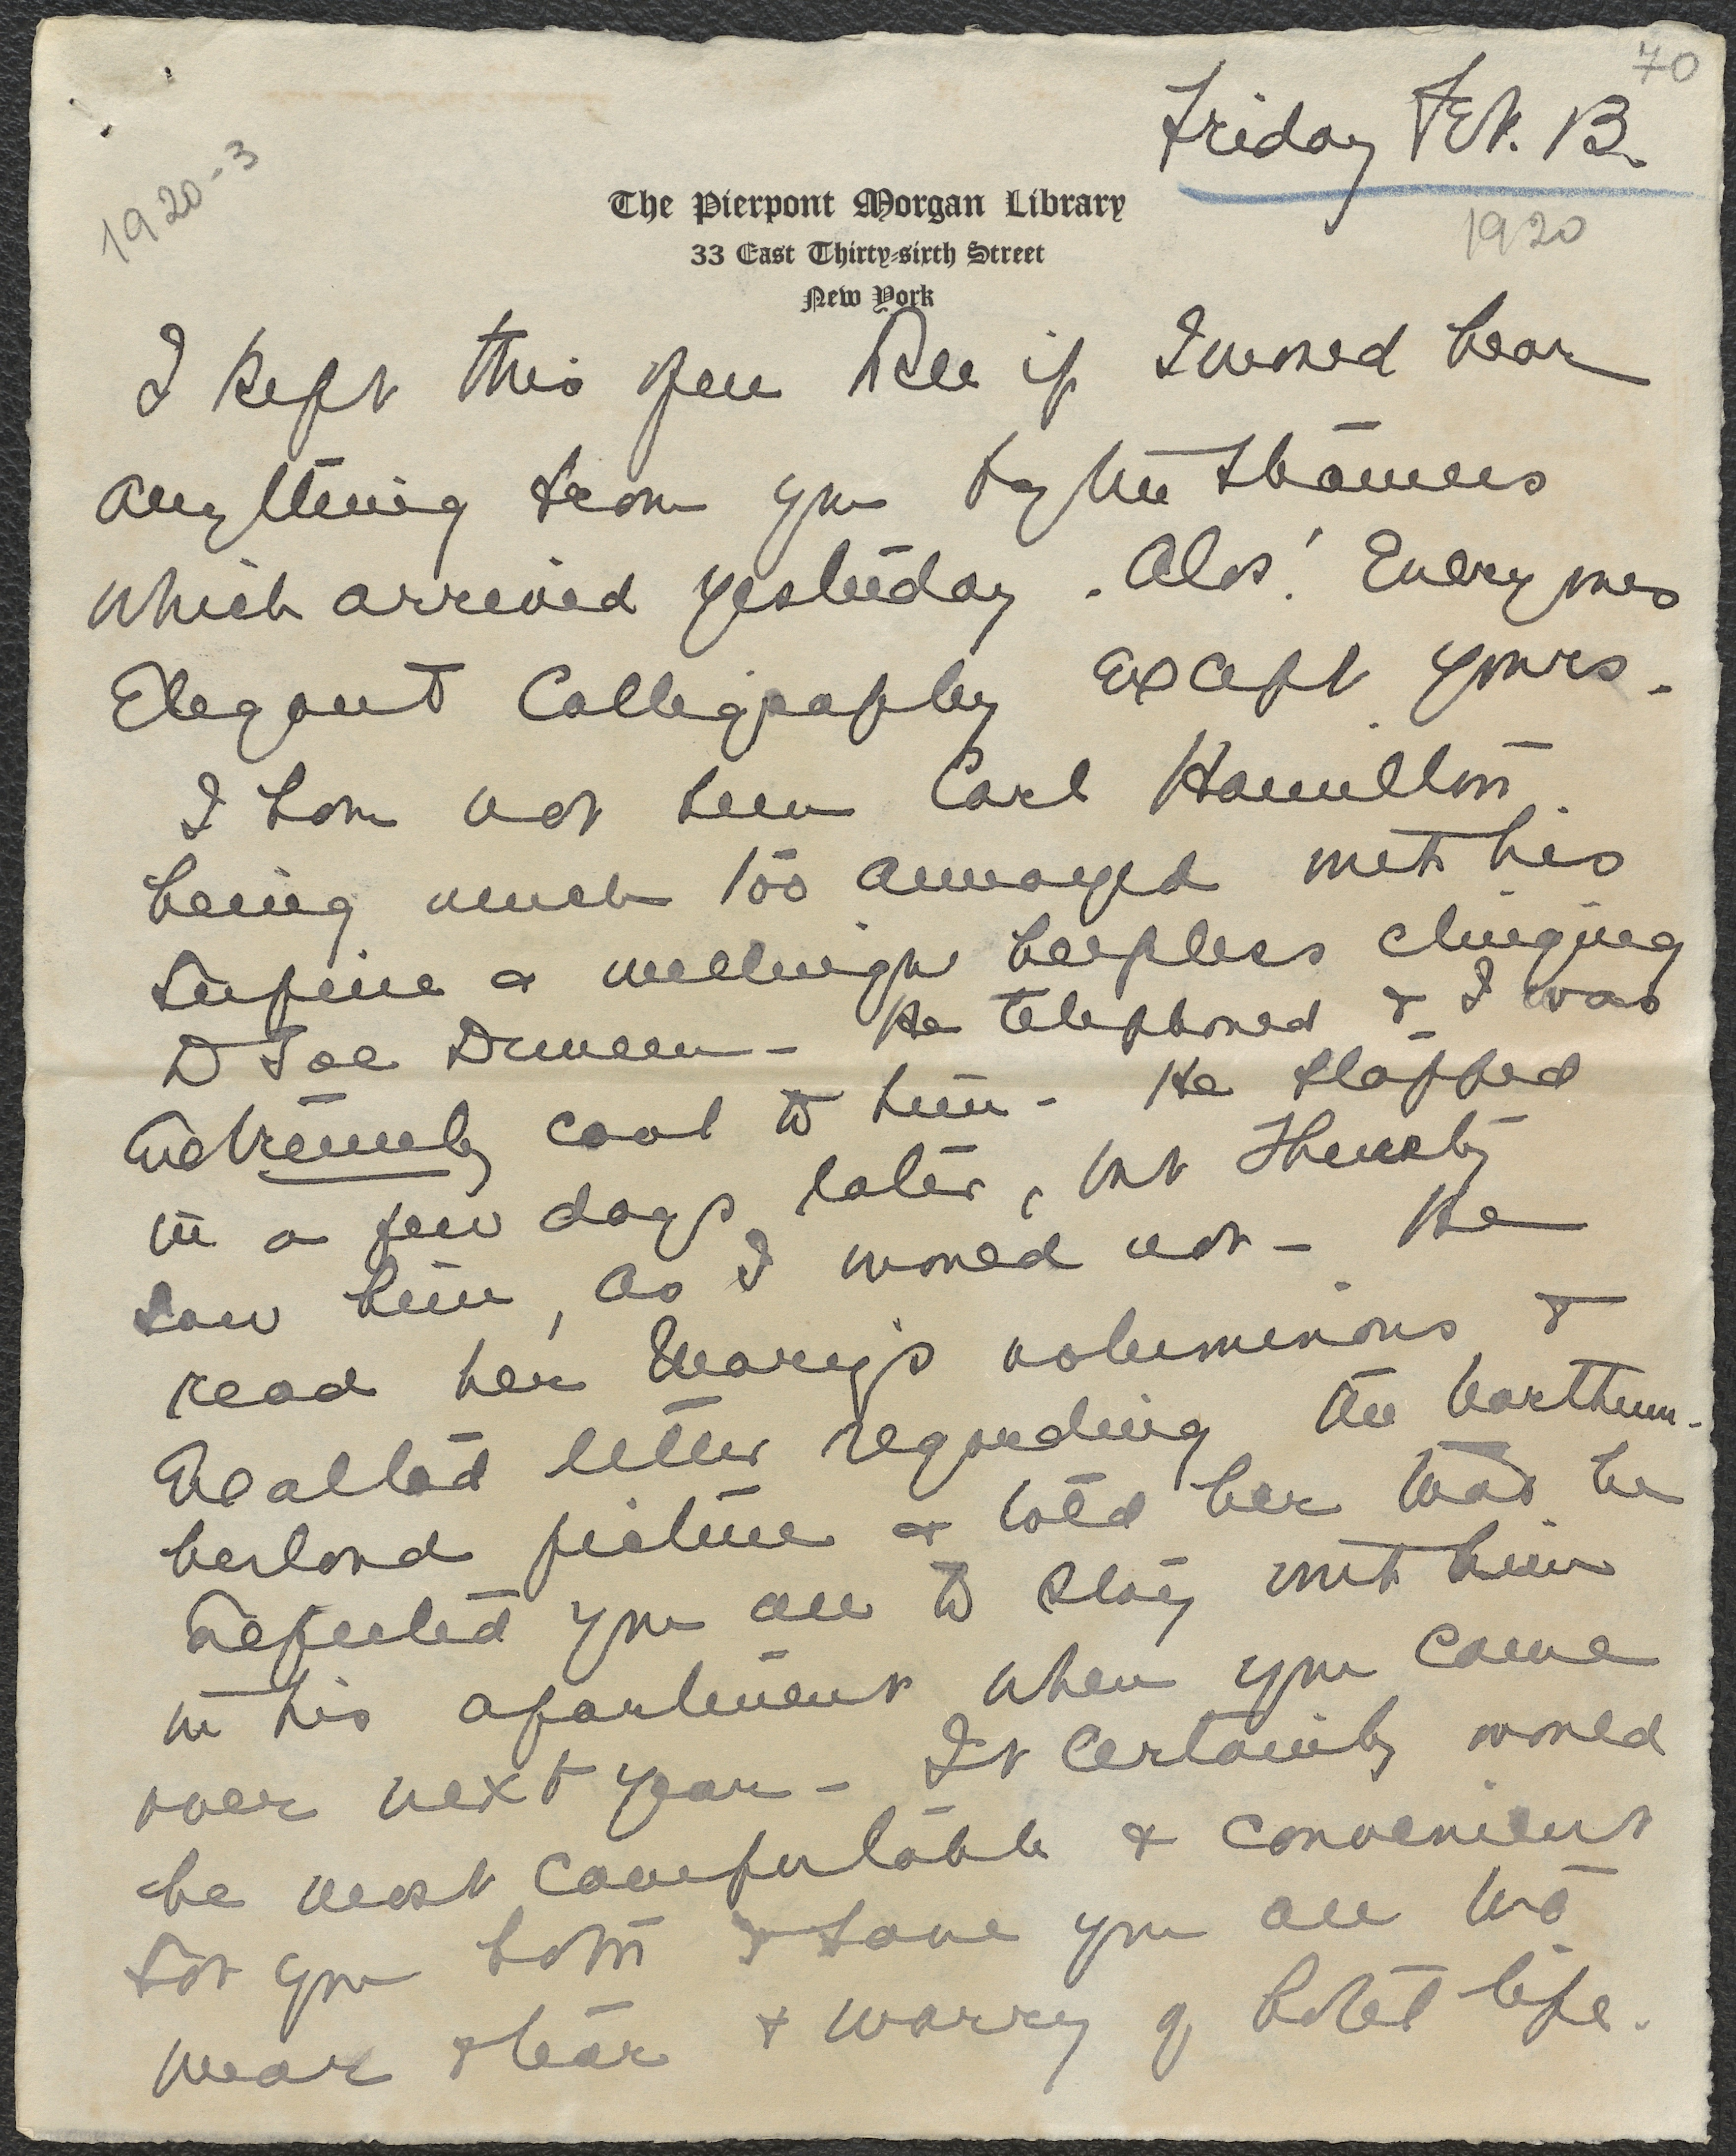[Underlined in blue pencil: Friday Feb. 13]
I kept this open to see if I would hear anything from you by the steamers which arrived yesterday. Alas! Everyones elegant calligraphy except yours –
I have not seen Carl Hamilton being much too annoyed with his supine & wellnigh helpless clinging to Joe Duveen – He telephoned & I was extremely cool to him – He stopped in a few days later, but Thursty saw him, as I would not – He read her Mary's voluminous & exalted letter regarding the Northumberland picture & told her that he expected you all to stay with him in his apartment when you came over next year – It certainly would be most comfortable & convenient for you both & save you all the wear & tear & worry of hotel life.